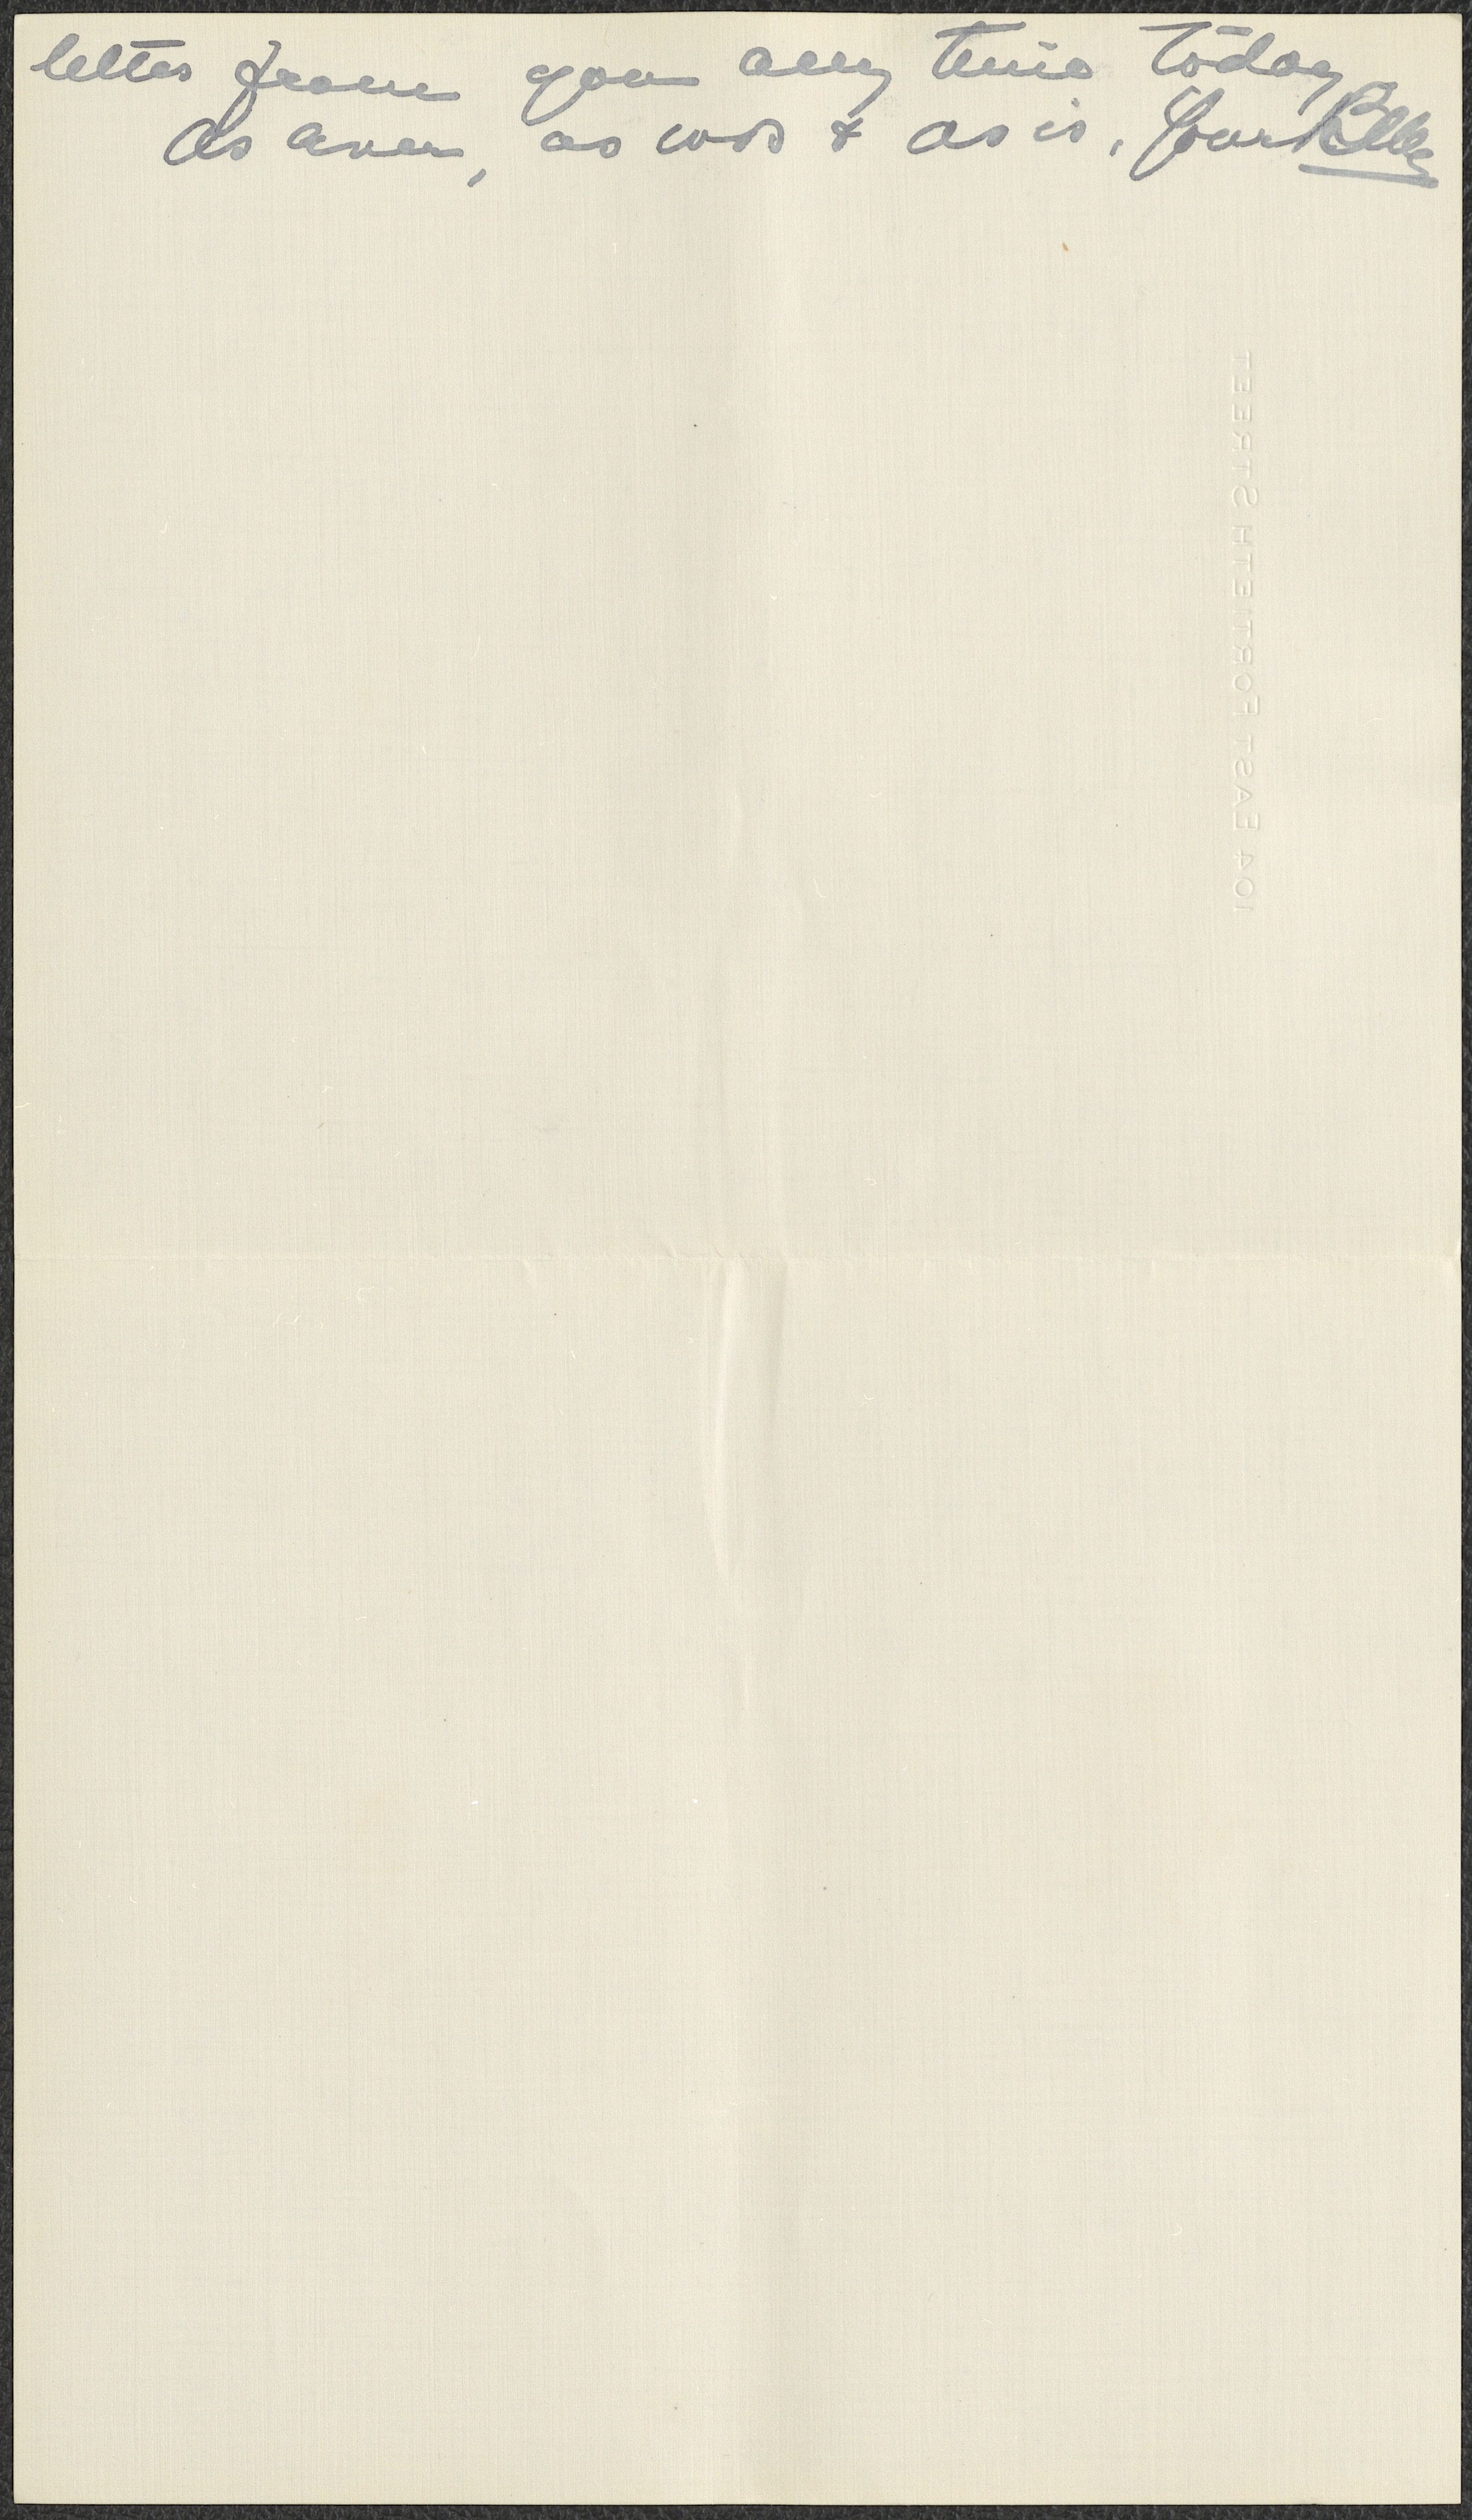letter from you any time today
As ever, as was & as is, Your Belle